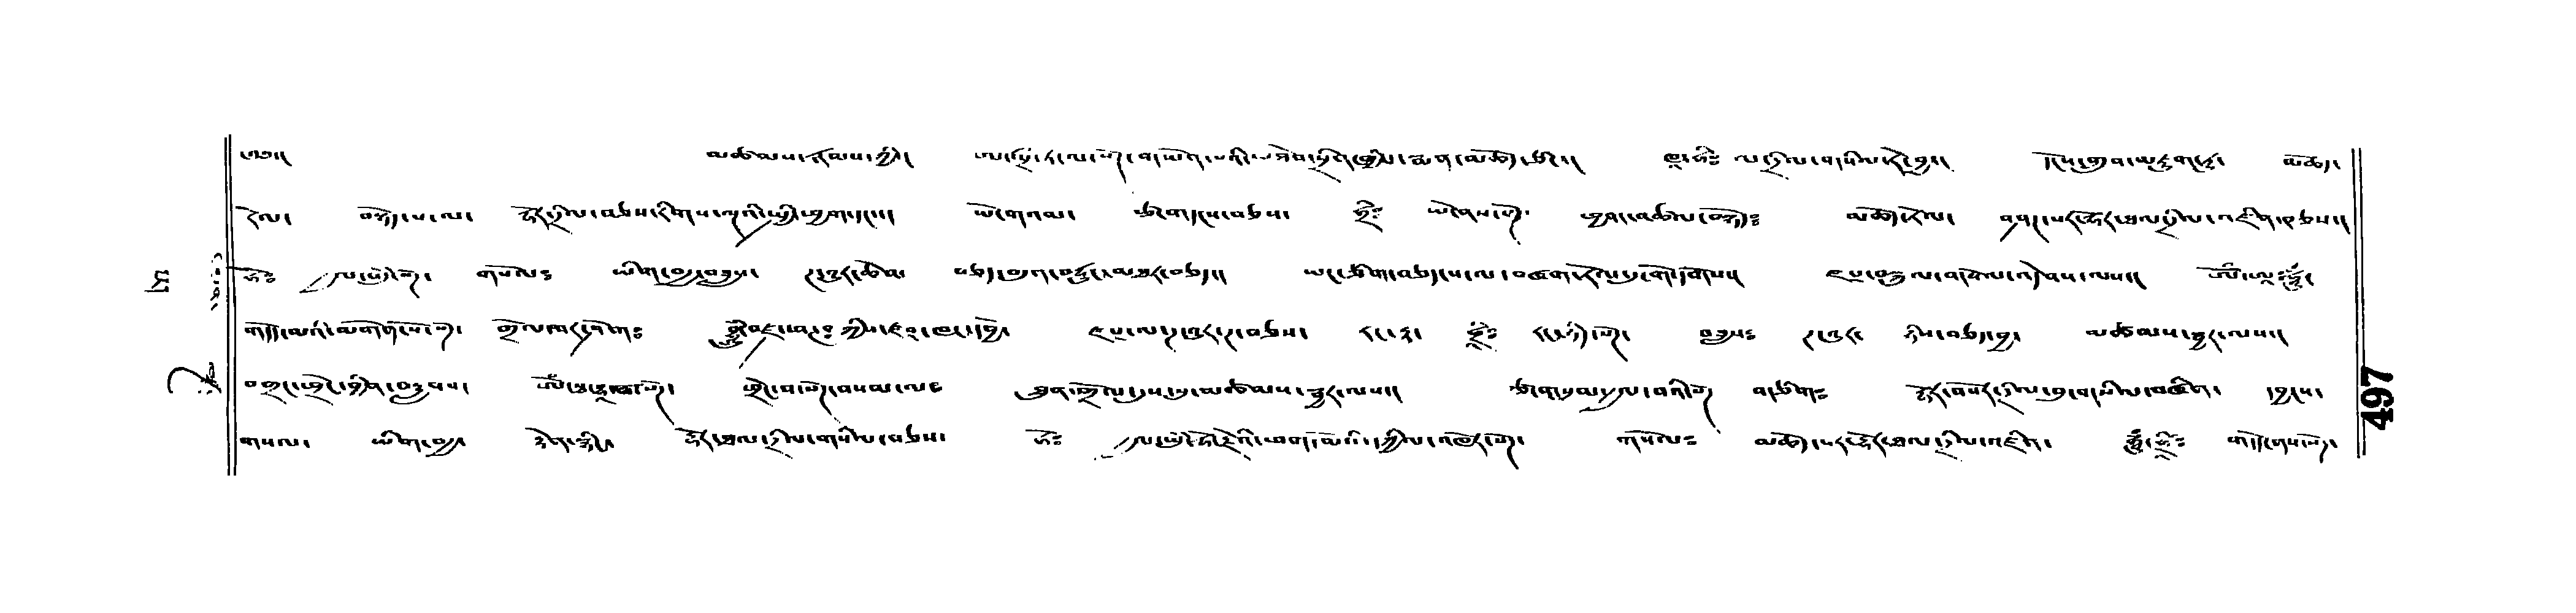མཚམས་རྣམས་ཀྱི། ཨ་མྲྀ་ཏ་ལ་སོགས་གཡོན་པའི་མཐེབ་སྲིན་གྱིས་སྨན་མཆོད་ཅིང་། ཁཱ་ཧིཿ ལ་དྲིལ་གསིལ་རེ་བྱ། དངོས་གྲུབ་མཇུག་ཏུ། མཆོད་
རོལ། བསྟོད་པ་ལ། རྡོར་དྲིལ་བཅས་རིགས་ལྔའི་སྤྱི་ཕྱག་དང་། ཡོ་གའམ། རྩ་གདངས་བཅས། ཧྲཱིཿ ཡེ་ནས་སོགས། ཕྱག་འཚལ་བསྟོད༔ མཆོད་རོལ། བཤགས་པར་རྡོར་ཐལ་དྲིལ་འཛིན་བཅས། 
ཧོཿ རྒྱལ་ཡུམ་སོགས། གསོལ༔ ཡིག་བརྒྱ་བཟླ། ཌཱ་འུར་ཆེམ། བཅད། བདུན་བརྡུང་མཐར་བཅད། ཡང་ཅིག་བཅད་པ་ལ་བཞག་རོལ་དུ་གོ་དགོས། འཛབཱ་བསྐུལ་གསོལ་འདེབས་ལས། ཨོཾ་ཨཱཿཧཱུྃ། 
གདོད་མའི་མགོན་པོ་སོགས། གྲོལ་བར་ཤོག༔ བྷྲཱུྃ་བཛྲ་ཕཊཿ ཀྱིས་འཛབ་ཁང་དབྱེ། འཛབ་ལ་ཌཱ་འུར་ཌཱ་བཅས། རང་རྟ། ཧྲཱིཿ རང་ཉིད་སོགས། བཟླས༔ ཌཱ་འུར། ཉིས་བཅད་བྱ། མཚམས་སྦྱར་ལས། 
བགྲང་ཕྲེང་བྱིན་བརླབས། ཨོཾ་སྭ་བྷཱ་ཝ་སོགས། ཕྲེང་བ་སོགས། བསམ་ལ༔ ཐུན་གྲོལ་དུས་སུ་མཚམས་སྦྱར་ལས། རྩ་གསུམ་རྒྱལ་བའི་སོགས། གཅིག༔ རྡོར་གསོར་དྲིལ་བུ་གསིལ་བཞིན། 
དབྱངས་གསལ། ཡིག་བརྒྱ། རྟེན་སྙིང་། རྡོར་ཐལ་དྲིལ་གསིལ་བཅས། ཧོཿ རྒྱལ་ཡུམ་རྡོ་རྗེའི་ཕག་མོའི་དཀྱིལ་འཁོར་སོགས། གསོལ༔ མཆོད་པར་རྡོར་ཐལ་དྲིལ་འཛིན། ཧཱུྃ་ཧྲཱིཿ གདོད་ནས་སོགས།